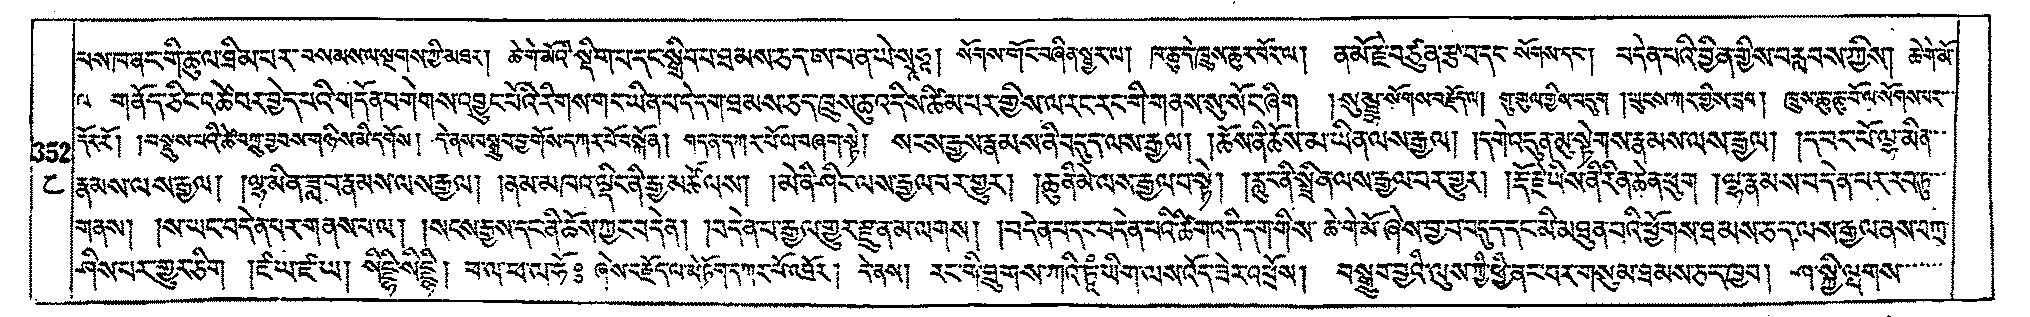པས་ཁ་ནང་གི་ཆུ་ལ་ཐིམ་པར་བསམས་ལ་སྔགས་ཀྱི་མཐར། ཆེ་གེ་མོའི་སྡིག་པ་དང་སྒྲིབ་པ་ཐམས་ཅད་ཨ་པ་ན་ཡེ་སྭཱཧཱ། སོགས་གོང་བཞིན་སྦྱར་ལ། ཁ་ཆུ་དེ་ཁྲུས་ཆུར་བོར་ལ།  ན་མོ་རྗེ་བཙུན་རྩ་བ་དང་སོགས་དང་།  བདེན་པའི་བྱིན་གྱིས་བརླབས་ཀྱིས། ཆེ་གེ་མོ་
ལ། གནོད་ཅིང་འཚེ་བར་བྱེད་པའི་གདོན་བགེགས་འབྱུང་པོའི་རིགས་གང་ཡིན་པ་དེ་དག་ཐམས་ཅད་ཁྲུས་ཆུ་འདིས་ཚིམ་པར་གྱིས་ལ་རང་རང་གི་གནས་སུ་སོང་ཞིག །སུམྦྷ་སོགས་བརྗོད་ལ། གུ་གུལ་གྱིས་བདུག །ཡུངས་ཀར་གྱིས་བྲབ། ཁྲུས་ཆུ་ཆུ་བོ་ལ་སོགས་པར་་་
དོར་རོ། །བསྡུས་པའི་ཚེ་བཀྲུས་བྱབས་གཉིས་མི་དགོས། དེ་ནས་བསྒྲུབ་བྱ་གོས་དཀར་པོ་བསྐོན། །གདན་དཀར་པོ་ལ་བཞག་སྟེ། སངས་རྒྱས་རྣམས་ནི་བདུད་ལས་རྒྱལ། །ཆོས་ནི་ཆོས་མ་ཡིན་ལས་རྒྱལ། །དགེ་འདུན་མུ་སྟེགས་རྣམས་ལས་རྒྱལ། །དབང་པོ་ལྷ་མིན་་་
རྣམས་ལས་རྒྱལ། །ལྷ་མིན་ཟླ་བ་རྣམས་ལས་རྒྱལ། །ནམ་མཁའ་ལྡིང་ནི་རྒྱ་མཚོ་ལས། །མེ་ནི་ཤིང་ལས་རྒྱལ་བར་གྱུར། །ཆུ་ནི་མེ་ལས་རྒྱལ་བ་སྟེ། །རླུང་ནི་སྤྲིན་ལས་རྒྱལ་བར་གྱུར། །རྡོ་རྗེ་ཡིས་ནི་རིན་ཆེན་ཕུག །ལྷ་རྣམས་བདེན་པར་རབ་ཏུ་་་
གནས། །ས་ཡང་བདེན་པར་གནས་པ་ལ། །སངས་རྒྱས་དང་ནི་ཆོས་ཀྱང་བདེན། །བདེན་པ་རྒྱལ་གྱུར་རྫུན་མ་ལགས། །བདེན་པ་དང་བདེན་པའི་ཚིག་འདི་དག་གིས་ཆེ་གེ་མོ་ཞེས་བྱ་བ་བདུད་དང་མི་མཐུན་པའི་ཕྱོགས་ཐམས་ཅད་ལས་རྒྱལ་ནས་བཀྲ་
ཤིས་པར་གྱུར་ཅིག །ཛ་ཡ་ཛ་ཡ། སིདྡྷི་སིདྡྷི། ཕ་ལ་ཕ་ལ་ཧོཿ ཞེས་བརྗོད་ལ་མེ་ཏོག་དཀར་པོ་འཐོར། དེ་ནས།  རང་གི་ཐུགས་ཀའི་ཏཱཾ་ཡིག་ལས་འོད་ཟེར་འཕྲོས། བསྒྲུབ་བྱའི་ལུས་ཀྱི་ཕྱི་ནང་བར་གསུམ་ཐམས་ཅད་ཁྱབ། །ཤ་སྐྱི་ལྤགས་་་